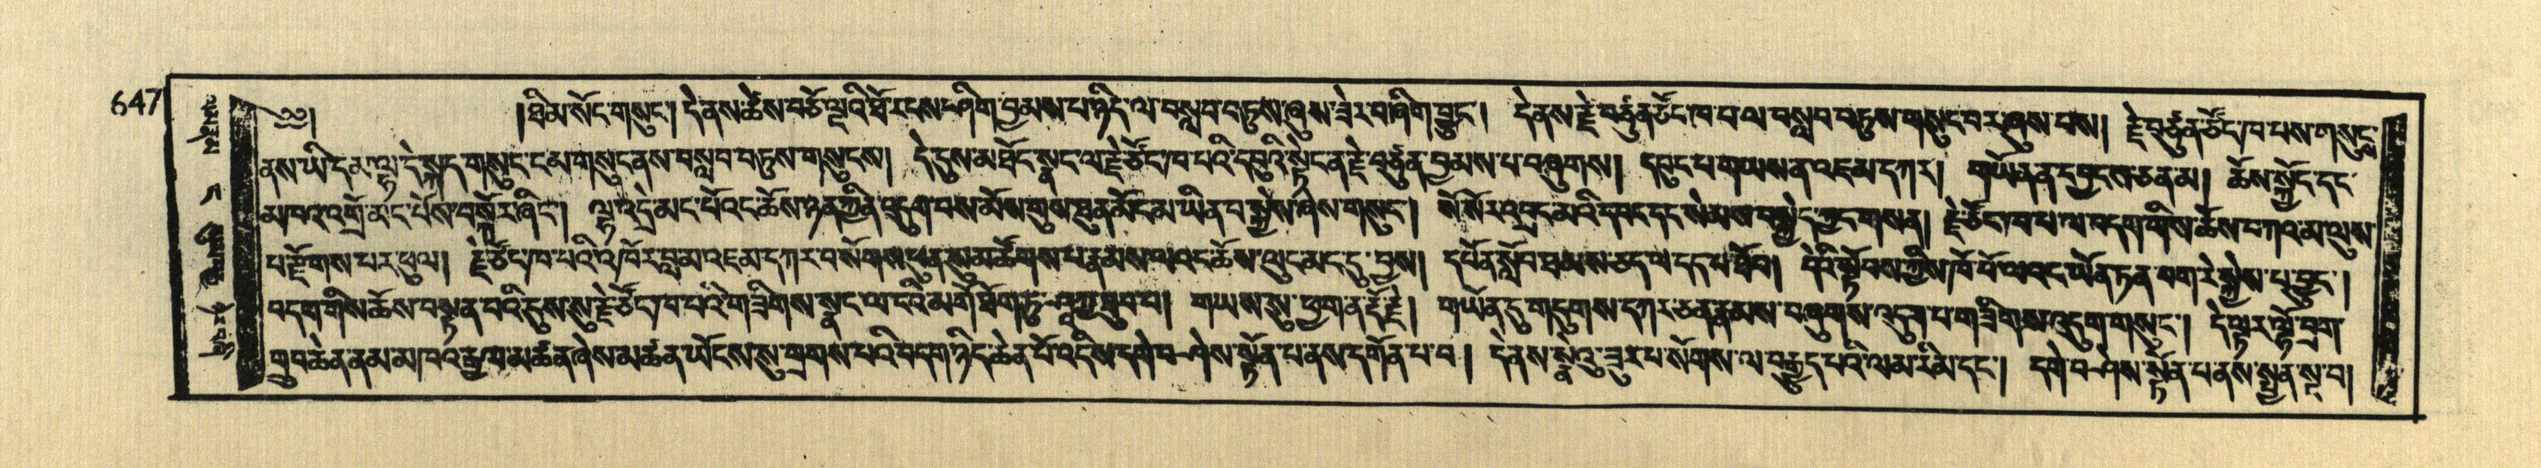༄༅། །ཐིམ་སོང་གསུང་། དེ་ནས་ཚེས་བཅོ་ལྔའི་ཐོ་རངས་ཤིག་བྱམས་པ་ཉིད་ལ་བསླབ་བཏུས་ཞུས་ཟེར་བ་ཞིག་བྱུང་། དེ་ནས་རྗེ་བཙུན་ཙོང་ཁ་པ་ལ་བསླབ་བཏུས་གསུང་བར་ཞུས་པས། རྗེ་བཙུན་ཙོང་ཁ་པས་གསུངས་
ནས་ཡི་དམ་ལྷ་དེ་སྐད་གསུང་ངམ་གསུང་ནས་བསླབ་བཏུས་གསུངས། དེ་དུས་མཐོང་སྣང་ལ་རྗེ་ཙོང་ཁ་པའི་དབུའི་སྟེང་ན་རྗེ་བཙུན་བྱམས་པ་བཞུགས། དབུང་པ་གཡས་ན་འཇམ་དཀར། གཡོན་ན་དབྱངས་ཅན་མ། ཆོས་སྐྱོང་དང་
མཁའ་འགྲོ་མང་པོས་བསྐོར་ཞིང་། ལྷ་འདྲེ་མང་པོའང་ཆོས་ཉན་ཀྱིན་འདུག་བས་མོས་གུས་ཐུན་མོང་མ་ཡིན་བ་སྐྱེས་ཞེས་གསུང་། སོ་སོར་འབྲང་མའི་དབང་དང་སེམས་བསྐྱེད་ཀྱང་གསན། རྗེ་ཙོང་ཁ་པ་ལ་བདག་གིས་ཆོས་བཀའ་མ་ལུས་
པ་རྫོགས་པར་ཕུལ། རྗེ་ཙོང་ཁ་པའི་འཁོར་བླ་མ་འཇམ་དཀར་བ་སོགས་ཕུན་སུམ་ཚོགས་པ་རྣམས་ལའང་ཆོས་ལུང་མང་དུ་བྱས། དཔོན་སློབ་ཐམས་ཅད་ལ་དད་པ་ཐོབ། དེའི་སྟོབས་ཀྱིས་ཁོ་བོ་ལའང་ཡོན་ཏན་བག་རེ་སྐྱེས་པ་བྱུང་།
བདག་གིས་ཆོས་བསྟན་པའི་དུས་སུ་རྗེ་ཙོང་ཁ་པའི་གཟིགས་སྣང་ལ་ངའི་མགོ་ཐོག་ཏུ་ཤཱཀྱ་ཐུབ་པ། གཡས་སུ་ཕྱག་ན་རྡོ་རྗེ། གཡོན་དུ་གདུངས་དཀར་ཅན་རྣམས་བཞུགས་འདུག་པ་གཟིགས་འདུག་གསུང་། དེ་ལྟར་ལྷོ་བྲག་
གྲུབ་ཆེན་ནམ་མཁའ་རྒྱལ་མཚན་ཞེས་མཚན་ཡོངས་སུ་གྲགས་པའི་བདག་ཉིད་ཆེན་པོ་འདིས་དགེ་བཤེས་སྟོན་པ་ནས་དགོན་པ་བ། དེ་ནས་སྣེའུ་ཟུར་པ་སོགས་ལ་བརྒྱུད་པའི་ལམ་རིམ་དང་། དགེ་བཤེས་སྟོན་པ་ནས་སྤྱན་སྔ་བ།